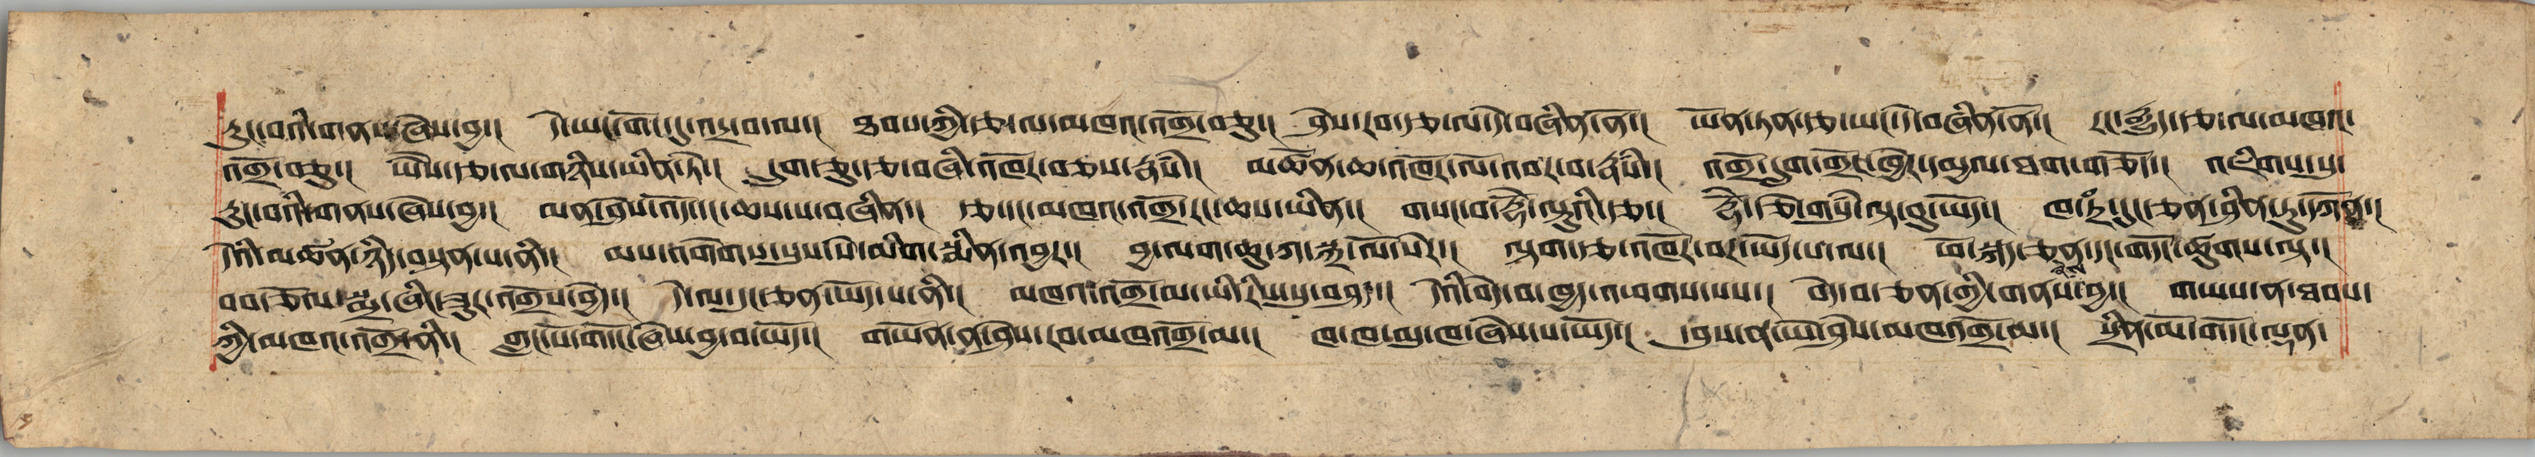རུང་བའི་གནས་ཞེས་བྱ་། དེ་ཡང་གོང་དུ་འདྲ་བ་ལ་། ཐབས་ཀྱི་རྩ་ལ་མཁའ་འགྲོ་བཅུ་། ཤེས་རབ་རྩ་ལ་དེ་བཞིན་ནོ་། ཡོན་ཏན་རྩ་ཡང་དེ་བཞིན་ནོ་། རང་རྒྱུད་རྩ་ལ་མཁའ་
འགྲོ་བཅུ་། ཡཻས་རྩ་ལ་གཉིས་ཡིན་ཏེ་། དྲུག་ཅུ་རྩ་བཞི་འཁོར་བཅས་རྣཾས་། མཚོན་ཆ་འཁོར་ལོ་འབར་བ་རྣཾས་། འགྲོ་དྲུག་གྲོང་ཁྱེར་དམྱལ་ཐག་གཅོད་། འཇིགས་སུ་
རུང་བའི་གནས་ཞེས་བྱ་། མན་ཤེས་འོད་དང་ཆས་པ་བཞིན་། རྩ་དང་མཁའ་འགྲོ་རང་ཆས་ཡིན་། གསང་བ་རྡོེ་ལྟུའི་རྩ་། རྡོེ་རྩེ་གསུཾ་ལྟ་བུ་ཡོད་། ཁ་ཏྲཾ་དུང་ཅན་ཤིན་ཏུ་དཀོན་།
དེའི་མཚན་ཉིད་བསྟན་པ་ནི་། མས་བགེགས་སུས་སེ་མིག་སྨིན་འབྱར་།། བྱ་ལག་ཆུ་ཀ་སྐྲ་ལོ་སེར་། ལྟག་རྩ་འཁོར་བར་ཡོད་པ་ལ་། ཕོ་སྐད་ཅན་དང་གདོང་ཚུགས་ལྟ་།
བབ་ཅོལ་སྨྲ་ཞིང་ཟུར་འགྲོས་བྱེད་། དེ་ལ་དུང་ཅན་ཡོད་པ་ནི་། མཁའ་འགྲོ་མ་ཡི་རིས་སུ་བཤད་། དེའི་བདེ་བ་ཁྱད་འཕགས་པས་། བདེ་བ་ཅན་གྱི་གནས་ནས་བྱ།། གཡས་ན་ཐབས་
ཀྱི་མཁའ་འགྲོ་ནི་། གླང་པོ་གདོང་ཞེས་བྱ་བ་ཡོད་། གཡོན་ན་ཤེས་རབ་མཁའགྲོ་མ་། ཁ་ཁ་མུ་ཁ་ཞེས་པ་ཡོད་། དབུས་ན་ཡེ་ཤེས་མཁའགྲོ་མ་། སྲིན་མོ་གདོང་ལྡན་